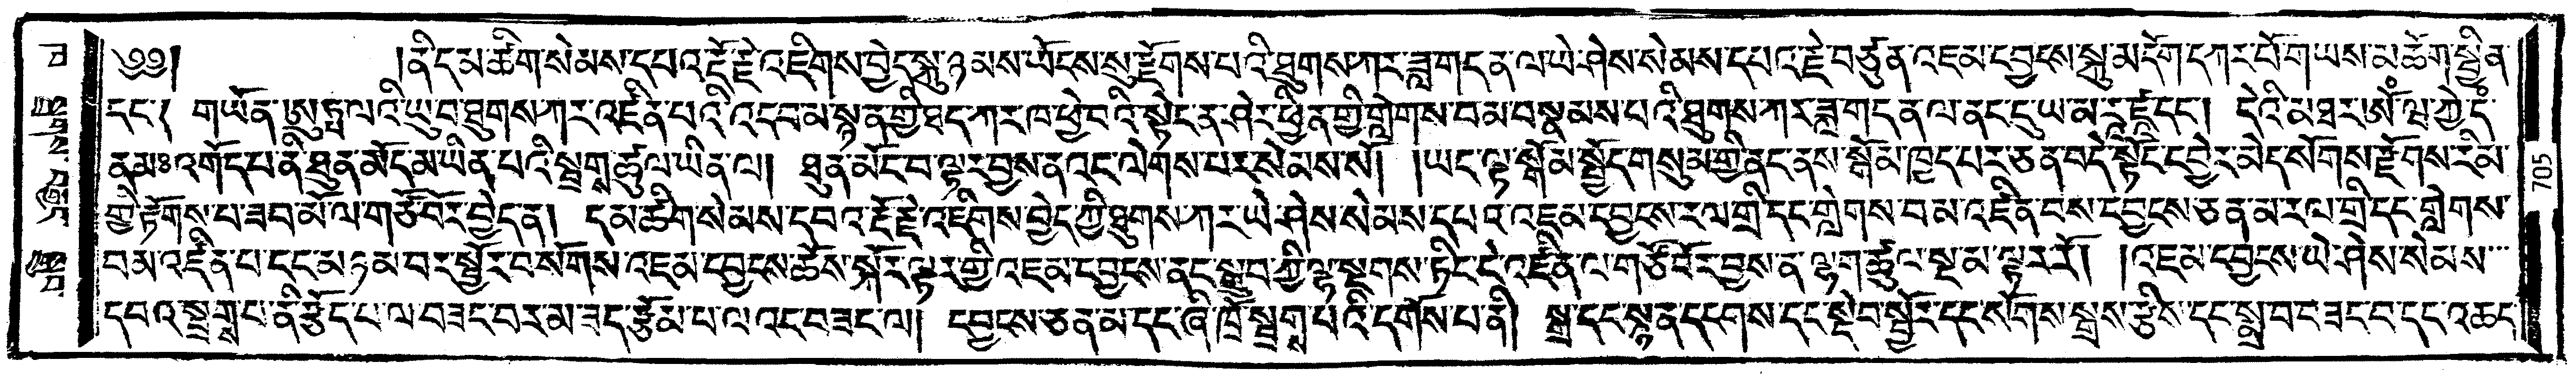༄༅། །ནི་དམ་ཚིག་སེམས་དཔའ་རྡོ་རྗེ་འཇིགས་བྱེད་སྐུ་ཉམས་ཡོངས་སུ་རྫོགས་པའི་ཐུགས་ཀར་ཟླ་གདན་ལ་ཡེ་ཤེས་སེམས་དཔའ་རྗེ་བཙུན་འཇམ་དབྱངས་སྐུ་མདོག་དཀར་པོ་གཡས་མཆོག་སྦྱིན་
དང༑ གཡོན་ཨུཏྤ་ལའི་ཡུ་བ་ཐུགས་ཀར་འཛིན་པའི་འདབ་མ་སྙན་གྱི་ཐད་ཀར་ཁ་ཕྱེ་བའི་སྟེང་ན་ཤེར་ཕྱིན་གྱི་གླེགས་བམ་བསྣམས་པའི་ཐུགས་ཀར་ཟླ་གདན་ལ་ནང་དུ་ཡ་མ་རཱ་ཛཱ་དང་། དེའི་མཐར་ཨོཾ་ཝ་ཀྱེ་དཾ་
ནམཿའགོད་པ་ནི་ཐུན་མོང་མ་ཡིན་པའི་སྦྲགས་ཚུལ་ཡིན་ལ། ཐུན་མོང་བ་ལྟར་བྱས་ནའང་ལེགས་པར་སེམས་སོ། །ཡང་ལྟ་སྒོམ་སྤྱོད་གསུམ་གྱི་ནང་ནས་སྒོམ་ཁྱད་པར་ཅན་བདེ་སྟོང་དབྱེར་མེད་སོགས་རྫོགས་རིམ་
གྱི་རྟོགས་པ་ཟབ་མོ་ལ་གཙོ་བོར་བྱེད་ན། དམ་ཚིག་སེམས་དཔའ་རྡོ་རྗེ་འཇིགས་བྱེད་ཀྱི་ཐུགས་ཀར་ཡེ་ཤེས་སེམས་དཔའ་འཇམ་དབྱངས་རལ་གྲི་དང་གླེགས་བམ་འཛིན་པས་དབྱངས་ཅན་མ་རལ་གྲི་དང་གླེགས་
བམ་འཛིན་པ་དང་མཉམ་པར་སྦྱོར་བ་སོགས་འཇམ་དབྱངས་ཆོས་སྐོར་ལྟར་གྱི་འཇམ་དབྱངས་ནང་སྒྲུབ་ཀྱི་ལྷ་སྔགས་ཏིང་ངེ་འཛིན་ལ་གཙོ་བོར་བྱས་ན་ལྷག་ཚུལ་སྔ་མ་ལྟར་རོ། །འཇམ་དབྱངས་ཡེ་ཤེས་སེམས་
དཔའ་སྦྲགས་པ་ནི་རྩོད་པ་ལ་བཟང་བར་མ་ཟད་རྩོམ་པ་ལའང་བཟང་ལ། དབྱངས་ཅན་མ་དང་ཞི་ཁྲོ་སྦྲགས་པའི་དགོས་པ་ནི། སྒྲ་དང་སྙན་དངགས་དང་སྡེབ་སྦྱོར་དང་སོགས་སྒྲས་རྩིས་དང་སྨྲ་བ་བཟང་བ་དང་འཆད་